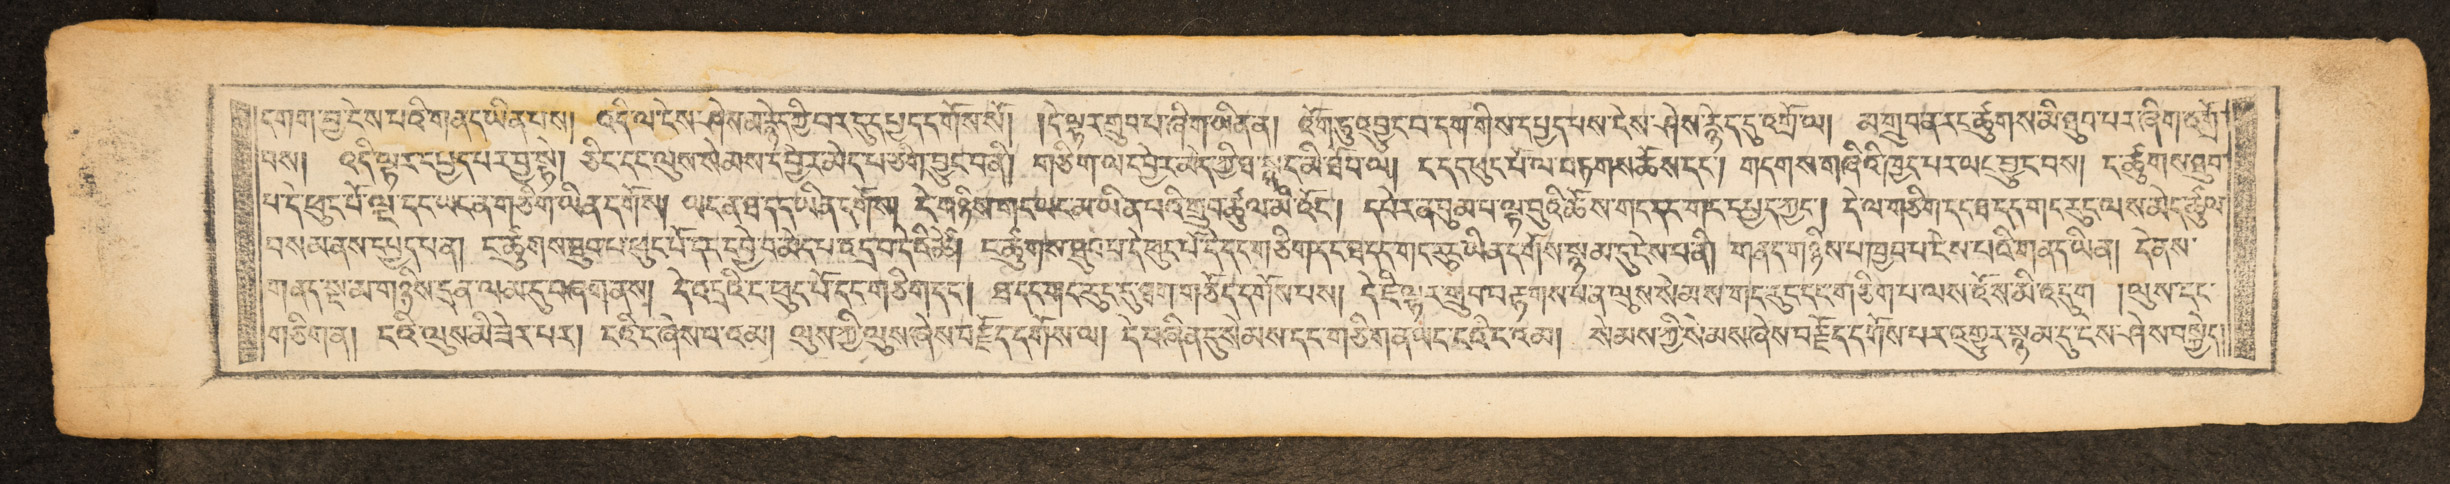དགག་བྱ་ངེས་པའི་གནད་ཡིན་པས། འདི་ལ་ངེས་ཤེས་མ་རྙེད་ཀྱི་བར་དུ་དཔྱད་དགོས་སོ། །དེ་ལྟར་གྲུབ་པ་ཞིག་ཡིན་ན། འོག་ཏུ་འབྱུང་བ་དག་གིས་དཔྱད་པས་ངེས་ཤེས་རྙེད་དུ་འགྲོ་ལ། མ་གྲུབ་ན་རང་ཚུགས་མི་ཐུབ་པར་ཞིག་འགྲོ་
བས། འདི་ལྟར་དཔྱད་པར་བྱ་སྟེ། ཅིང་དང་ལུས་སེམས་དབྱེར་མེད་པ་ཅིག་བྱུང་བ་ནི། གཅིག་ལ་དབྱེར་མེད་ཀྱི་ཐ་སྙད་མི་ཐོབ་ལ། ང་དང་ཕུང་པོ་ལ་བཏགས་ཆོས་དང་། གདགས་གཞིའི་ཁྱད་པར་ཡང་བྱུང་བས། ང་ཚུགས་ཐུབ་
པ་དེ་ཕུང་པོ་ལྔ་དང་ཡང་ན་གཅིག་ཡིན་དགོས། ཡང་ན་ཐ་དད་ཡིན་དགོས། དེ་གཉིས་གང་ཡང་མ་ཡིན་པའི་གྲུབ་ཚུལ་མི་འོང་། དཔེར་ན་བུམ་པ་ལྟ་བུའི་ཆོས་གང་དང་གང་དཔྱད་ཀྱང་། དེ་ལ་གཅིག་དང་ཐ་དད་གང་རུང་ལས་མེད་ཚུལ་
བསམ་ནས་དཔྱད་པ་ན། ང་ཚུགས་ཐུབ་པ་ཕུང་པོ་དང་དབྱེ་བ་མེད་པ་འདྲ་བ་དེའི་ཚེ། ང་ཚུགས་ཐུབ་པ་དེ་ཕུང་པོ་དེ་དང་གཅིག་དང་ཐ་དད་གང་རུང་ཡིན་དགོས་སྙམ་དུ་ངེས་པ་ནི། གནད་གཉིས་པ་ཁྱབ་པ་ངེས་པའི་གནད་ཡིན། དེ་ནས་
གནད་སྔ་མ་གཉིས་དྲན་ལམ་དུ་བཞག་ནས། དེ་འདྲའི་ང་ཕུང་པོ་དང་གཅིག་དང་། ཐ་དང་གང་རུང་དུ་ཐག་གཅོད་དགོས་པས། དེ་ཇི་ལྟར་གྲུབ་བརྟགས་པ་ན་ལུས་སེམས་གང་རུང་དང་གཅིག་པ་ལས་འོས་མི་འདུག །ལུས་དང་
གཅིག་ན། ངའི་ལུས་མི་ཟེར་པར། ངའི་ང་ཞེས་པ་འམ། ལུས་ཀྱི་ལུས་ཞེས་བརྗོད་དགོས་ལ། དེ་བཞིན་དུ་སེམས་དང་གཅིག་ན་ཡང་ངའི་ང་འམ། སེམས་ཀྱི་སེམས་ཞེས་བརྗོད་དགོས་པར་འགྱུར་སྙམ་དུ་ངེས་ཤེས་བསྐྱེད་